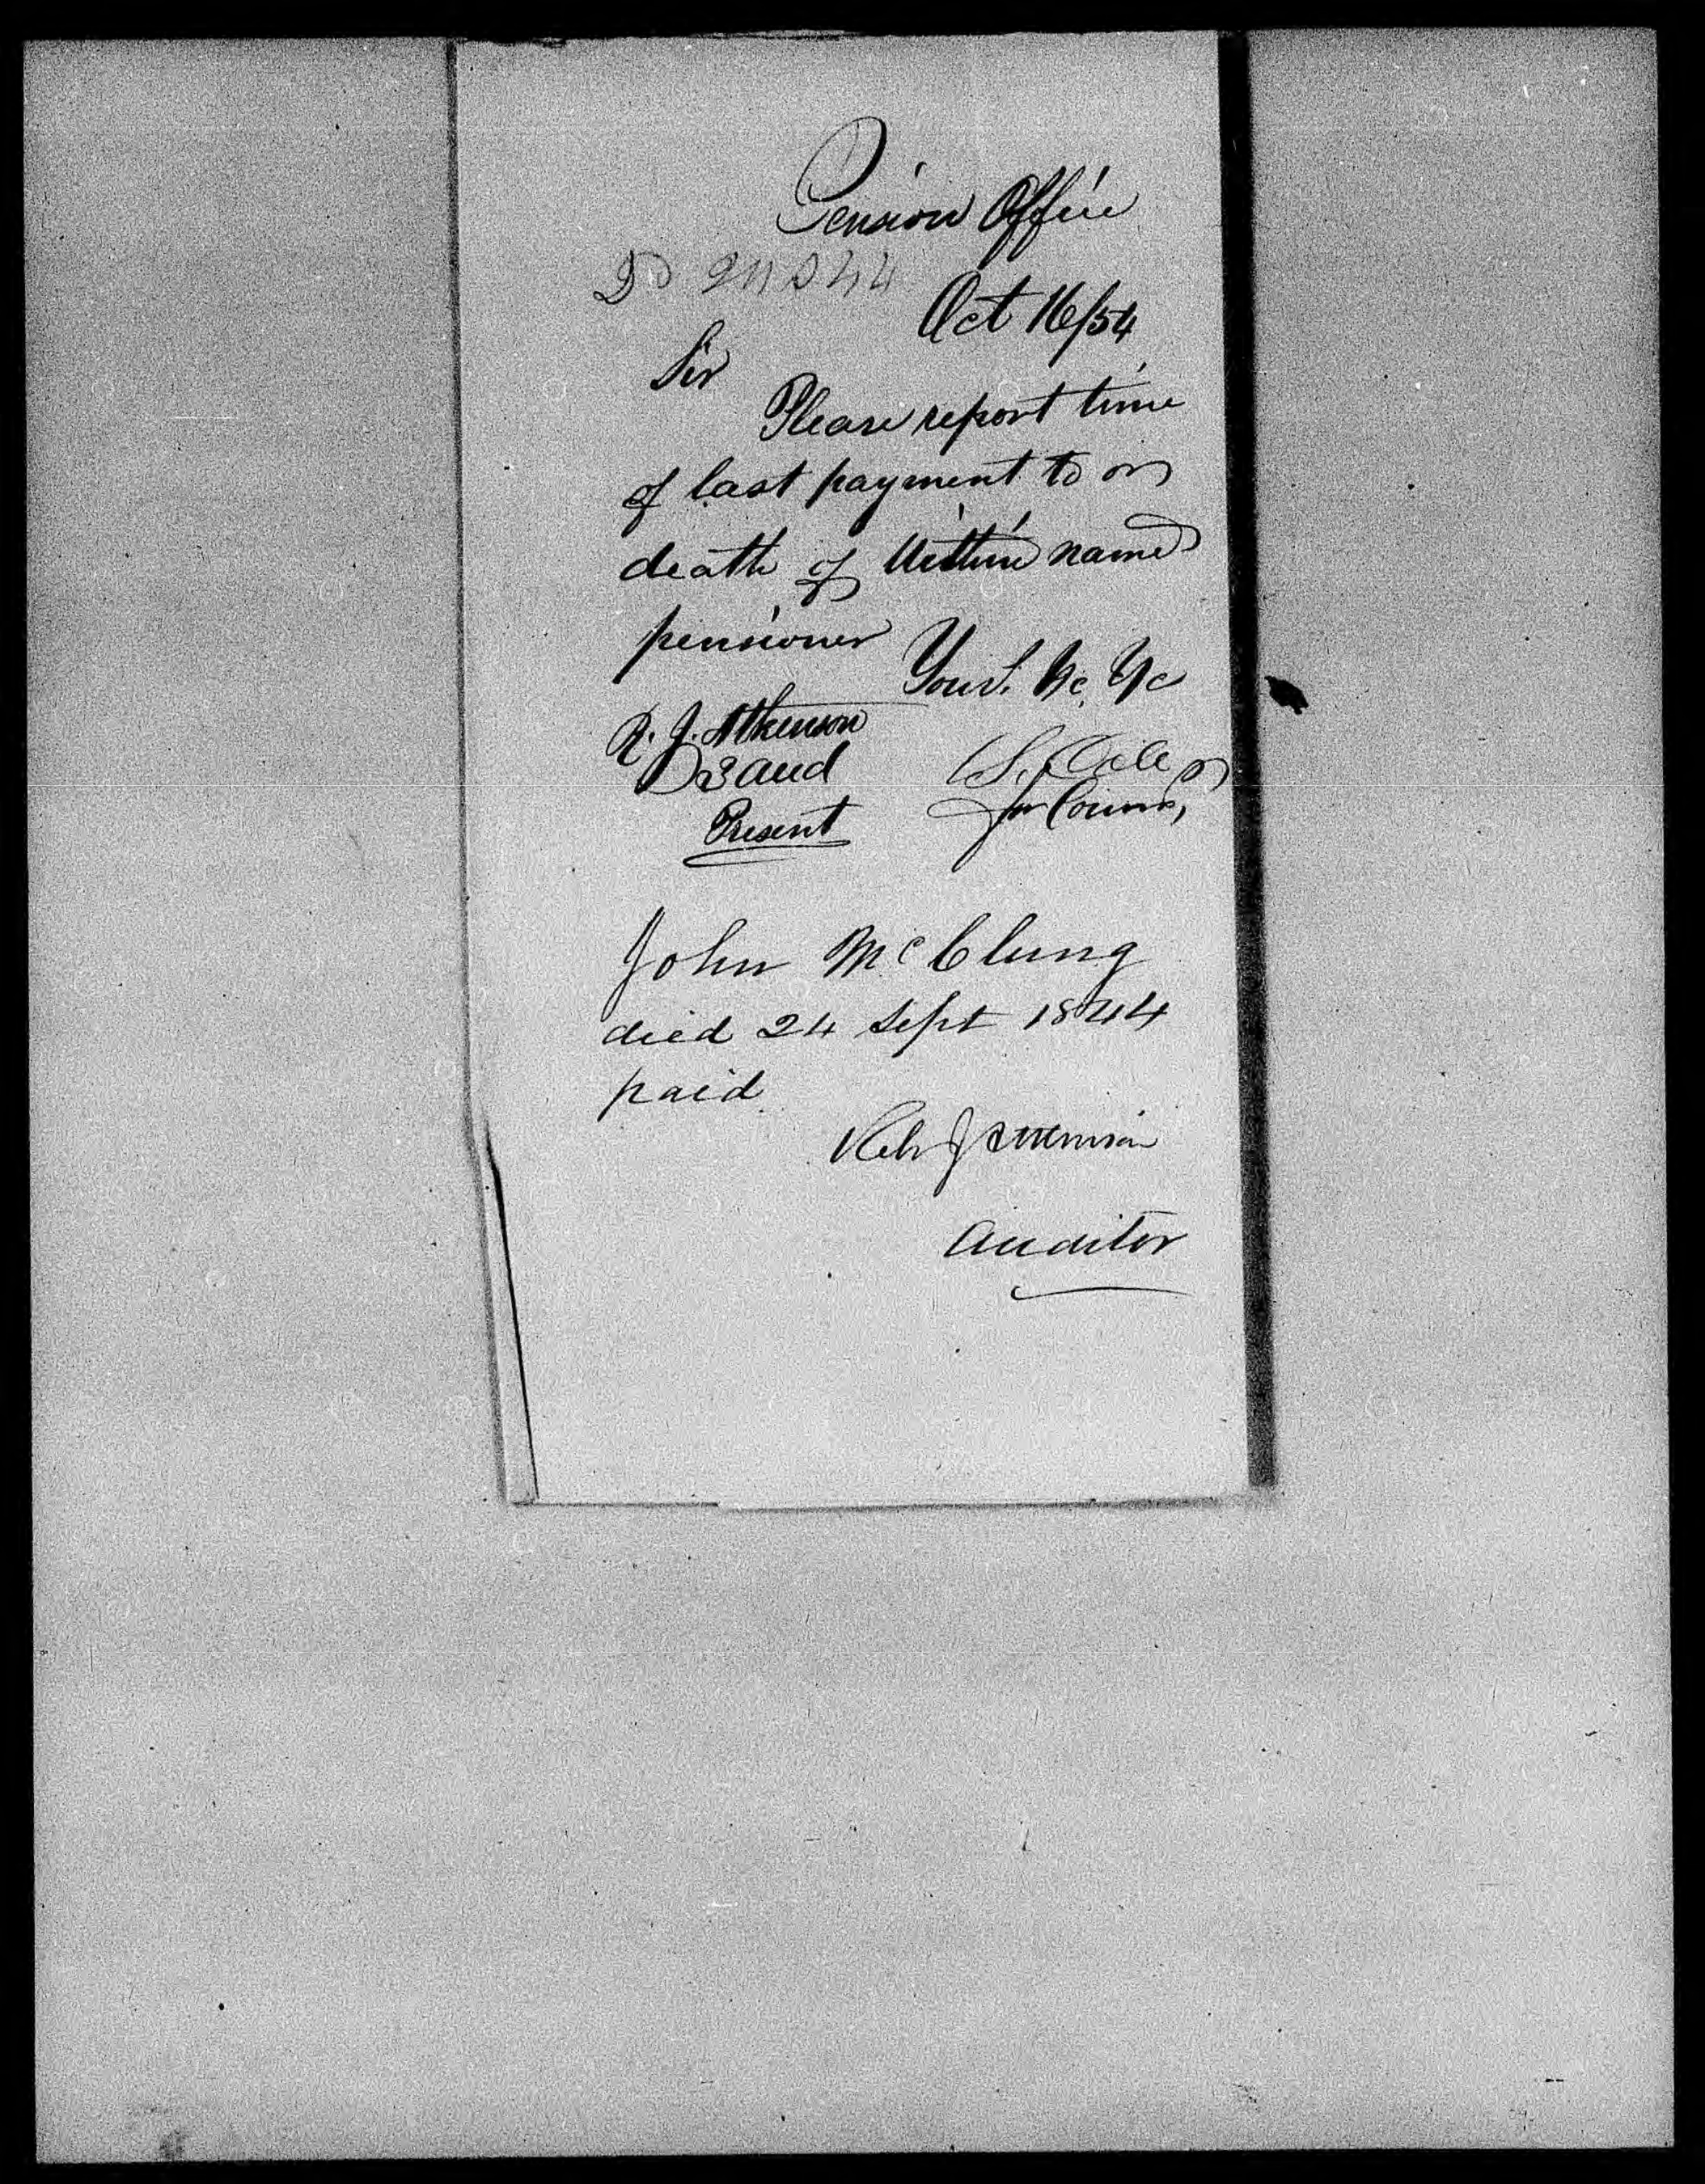Pension Office
[illegible]
Oct 16 /54

Sir

Please report time
of last payment to or
death of within named
pensioner

Your [illegible]
S Cole
for Comm

R. J. Atkinson
3 aud
Present

John McClung
died 24 Sept 1844
paid

[illegible]  J Atkinson
Auditor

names: S Cole; John Mc Clung; Robt J Atkinson; R J Atkenson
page: 56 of 115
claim: widow's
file: W. 1446, for John Mc Clung, South Carolina